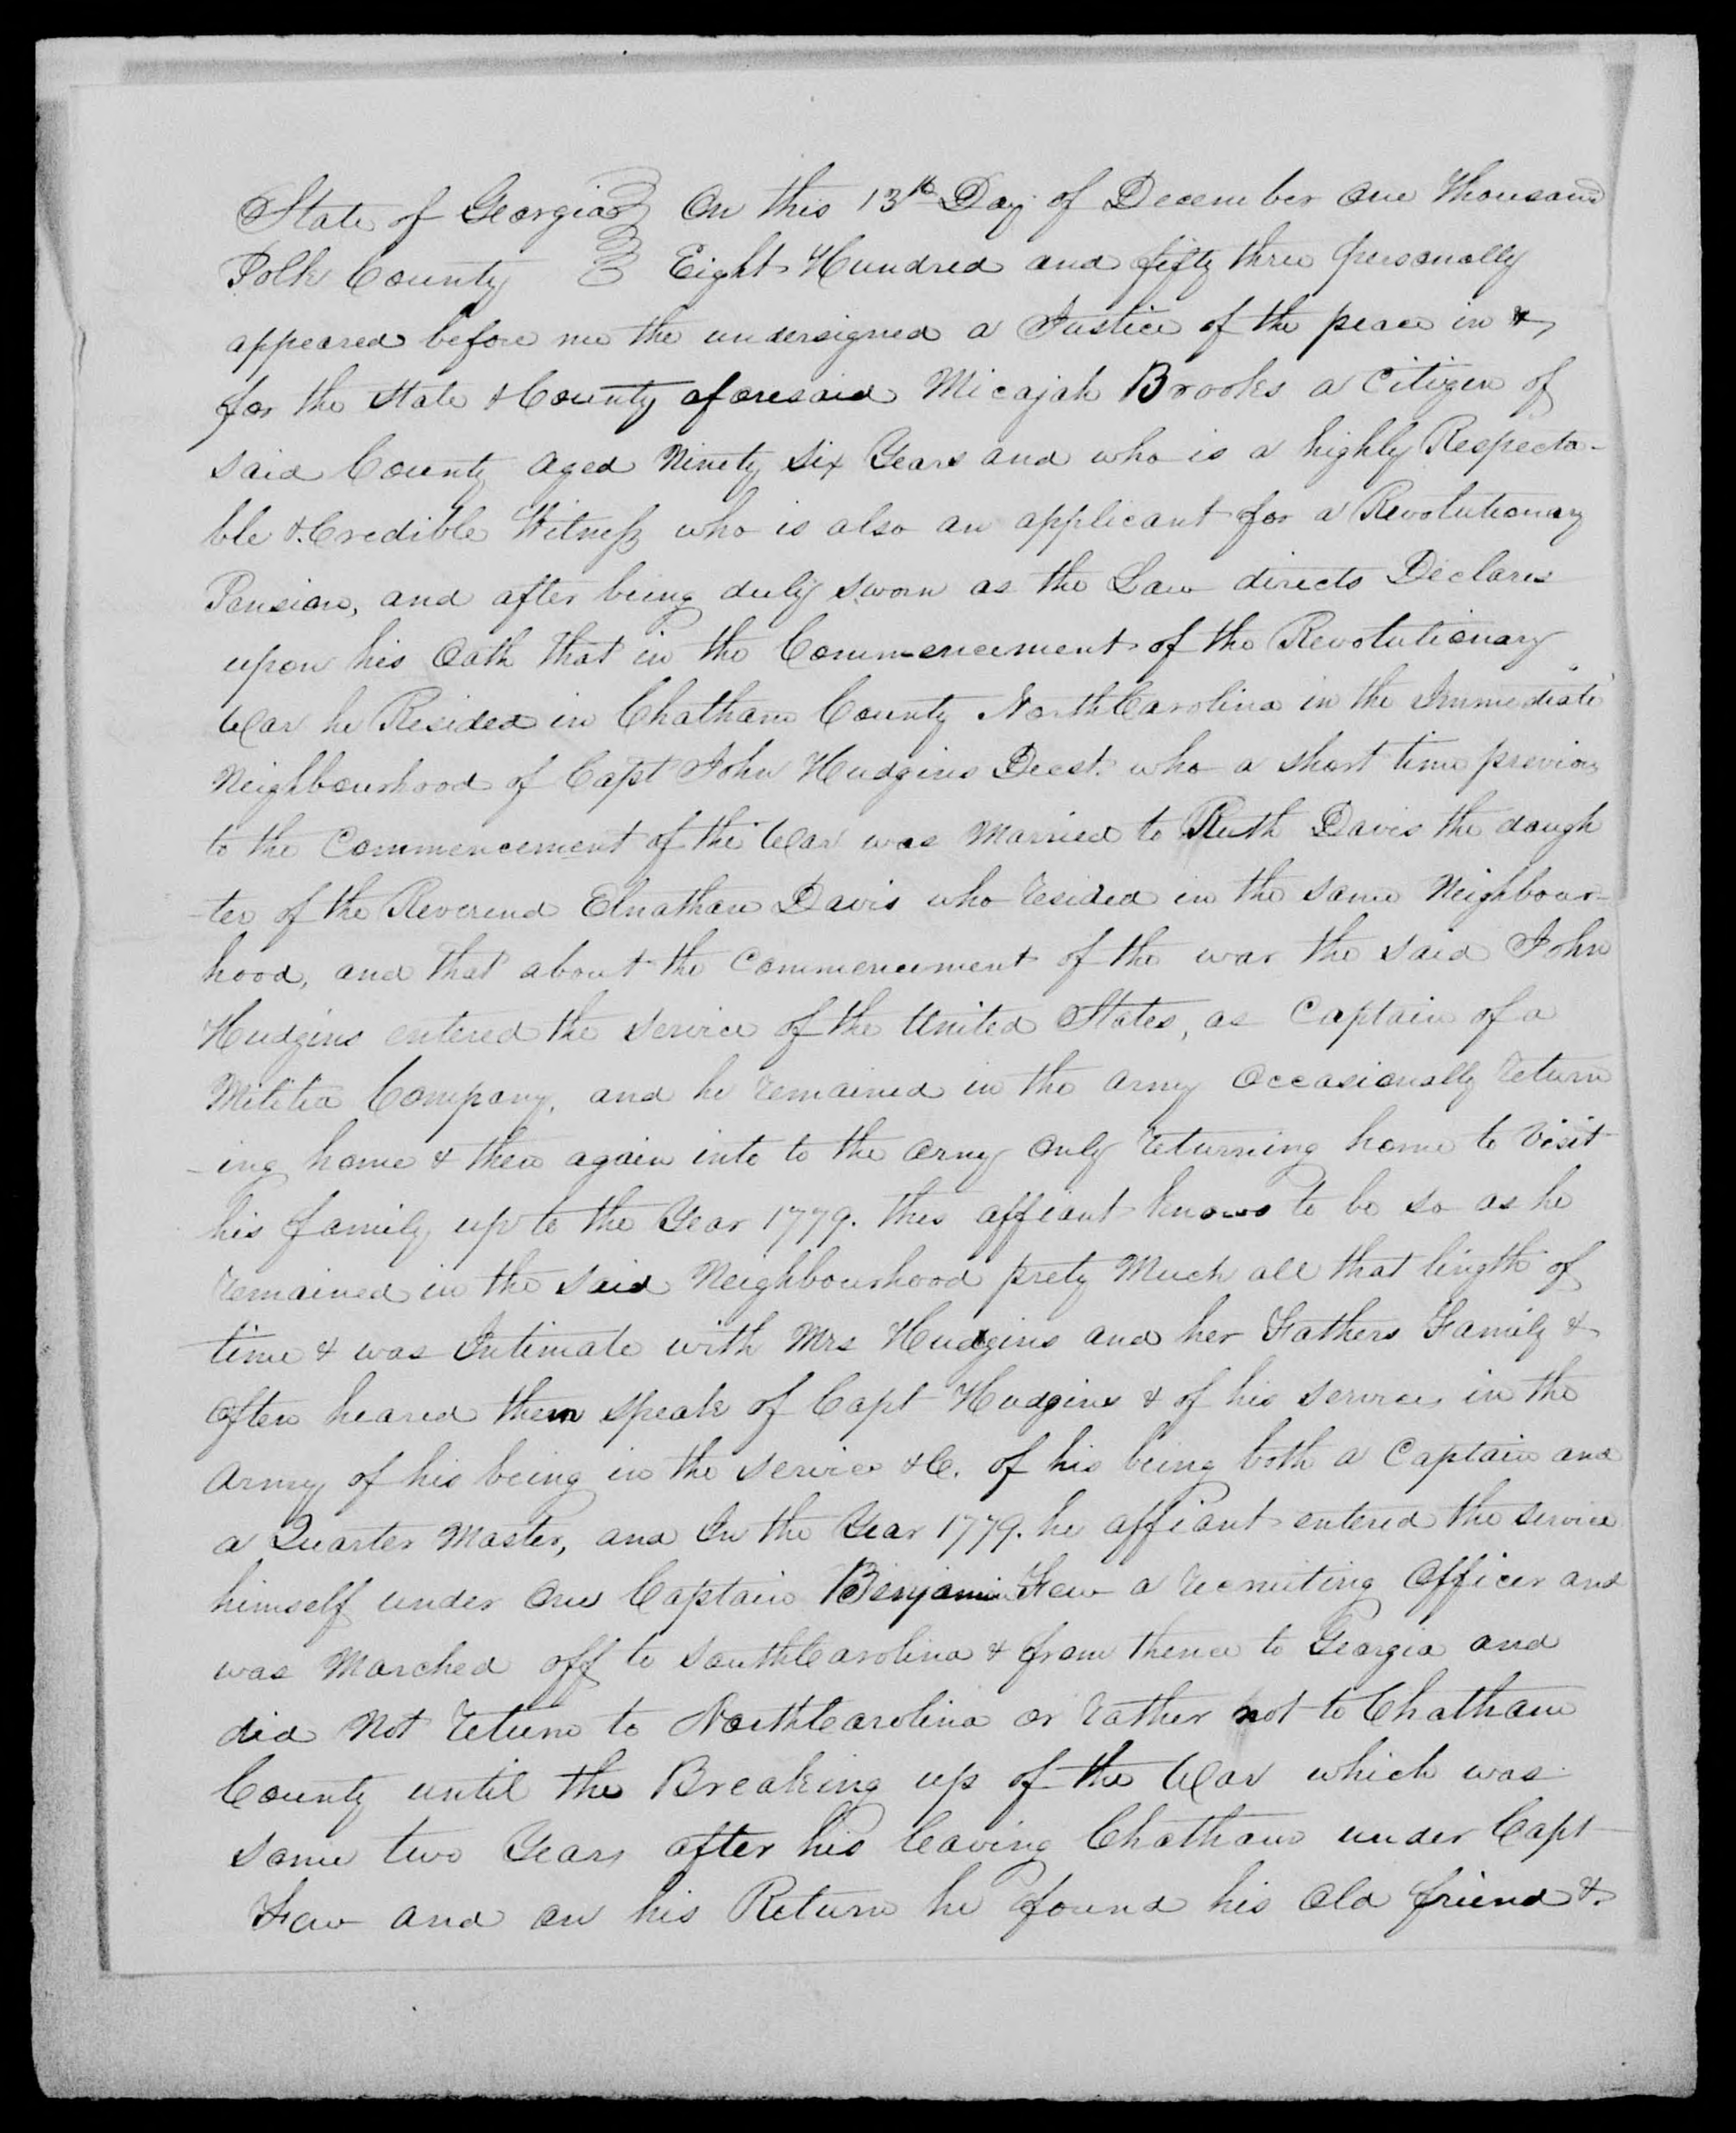State of Georgia Polk County
On this 13th day of December one thousand eight hundred and fifty three personally appeared before me the undersigned a Justice of the Peace in for the state & county aforesaid Micajah Brooks as citizen of said county aged ninety six years and who is a highly respectable & credible witness who is also an applicant for a Revolutionary Pension and after being duly sworn as the law directs declares upon his oath that in the commencement of the revolutionary War he resided in Chatham County North Carolina in the Immediate neighborhood of Captain John Hudgins Deced who a short time previous to the commencement of the war was married to Ruth Davis the daughter of the Reverend Elnathan Davis who resided in the same neighborhood and that about the commencement of the war the said John Hudgins centered the service of the United States, as captain of a militia company, and he remained in the army occasionally returning home & then again into to the army only returning home to visit his family up to the year 1799. This afficiant knows to be so as he remained in the said neighbourhood pretty much all that length of time & was intimate with Mr. Hudgins and her Father Faily & after heard then speak of Capt Hudgins & of his service in the army of his being in the service & company of his being both a Captain and Quarter Master and in the rear 1779 he afficiant entered the service himself under one Captain Benjamin Few a militia officer and was marched off to South Carolina & from thence to Georgia and did not return to North Carolina or rather not to Chatham County until the breaking up of the War which was some 2 years after his leaving Chatham under Captain Few and as his return he found his old friend and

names: Benjamin Few, Micajah Brooks, Elnathan Davis, Ruth Davis, John Hudgins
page: 84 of 108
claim: rejected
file: R. 7,515, John Hudgins, N.C.